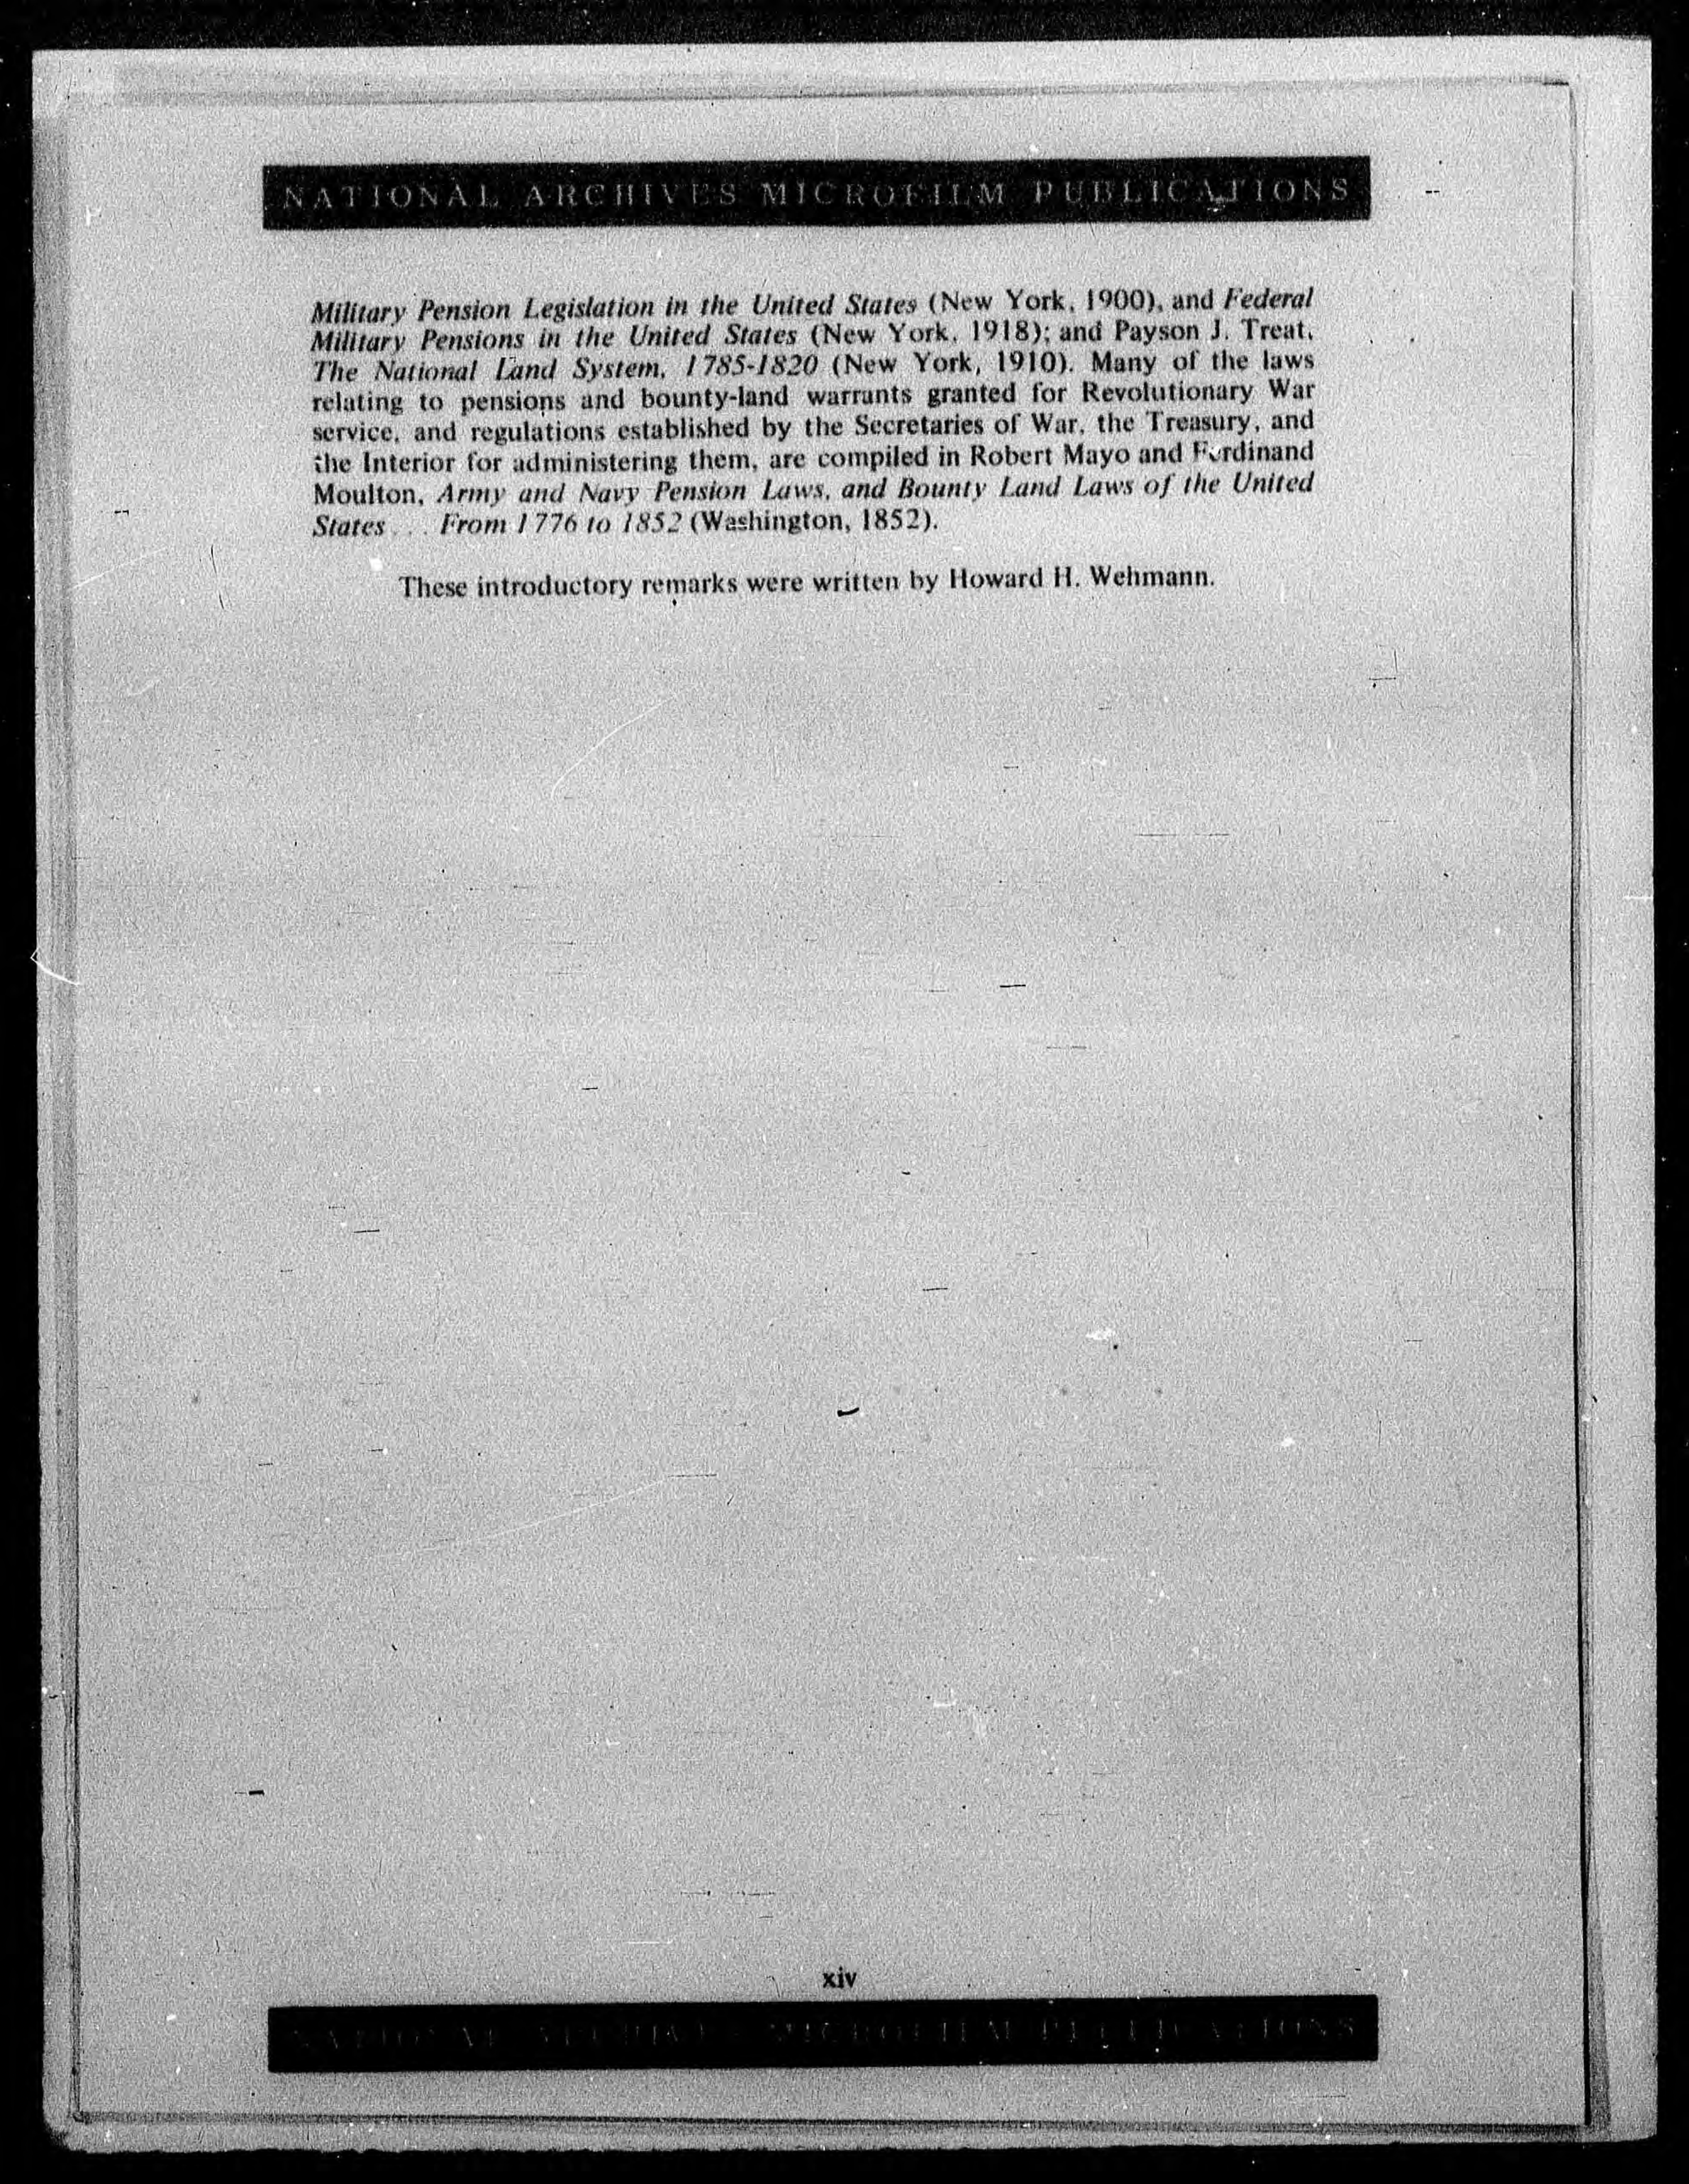[italicized] 'Military Pension Legislation in the united States' (New York, 1900), and [italicized] 'Federal Military Pensions in the United States' (New York, 1918); and Payton J. Treat, [italicized] ' The National Land System, 1785-1820' (New York, 1910). Many of the laws relating to pensions and bounty-land warrants granted for Revolutionary War service, and regulations established by the Secretaries of War, the Treasury, and the Interior for administering them, are compiled in Robert Mayo and Ferdinand Moulton, [italicized] 'Army and Navy Pension Laws, and Bounty Land Laws of the United States . . . From 1776 to 1852' (Washington, 1852).
These introductory remarks were written by Howard H. Wehmann.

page: 13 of 59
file: Revolutionary War Pension and Bounty Land Warrant Application File